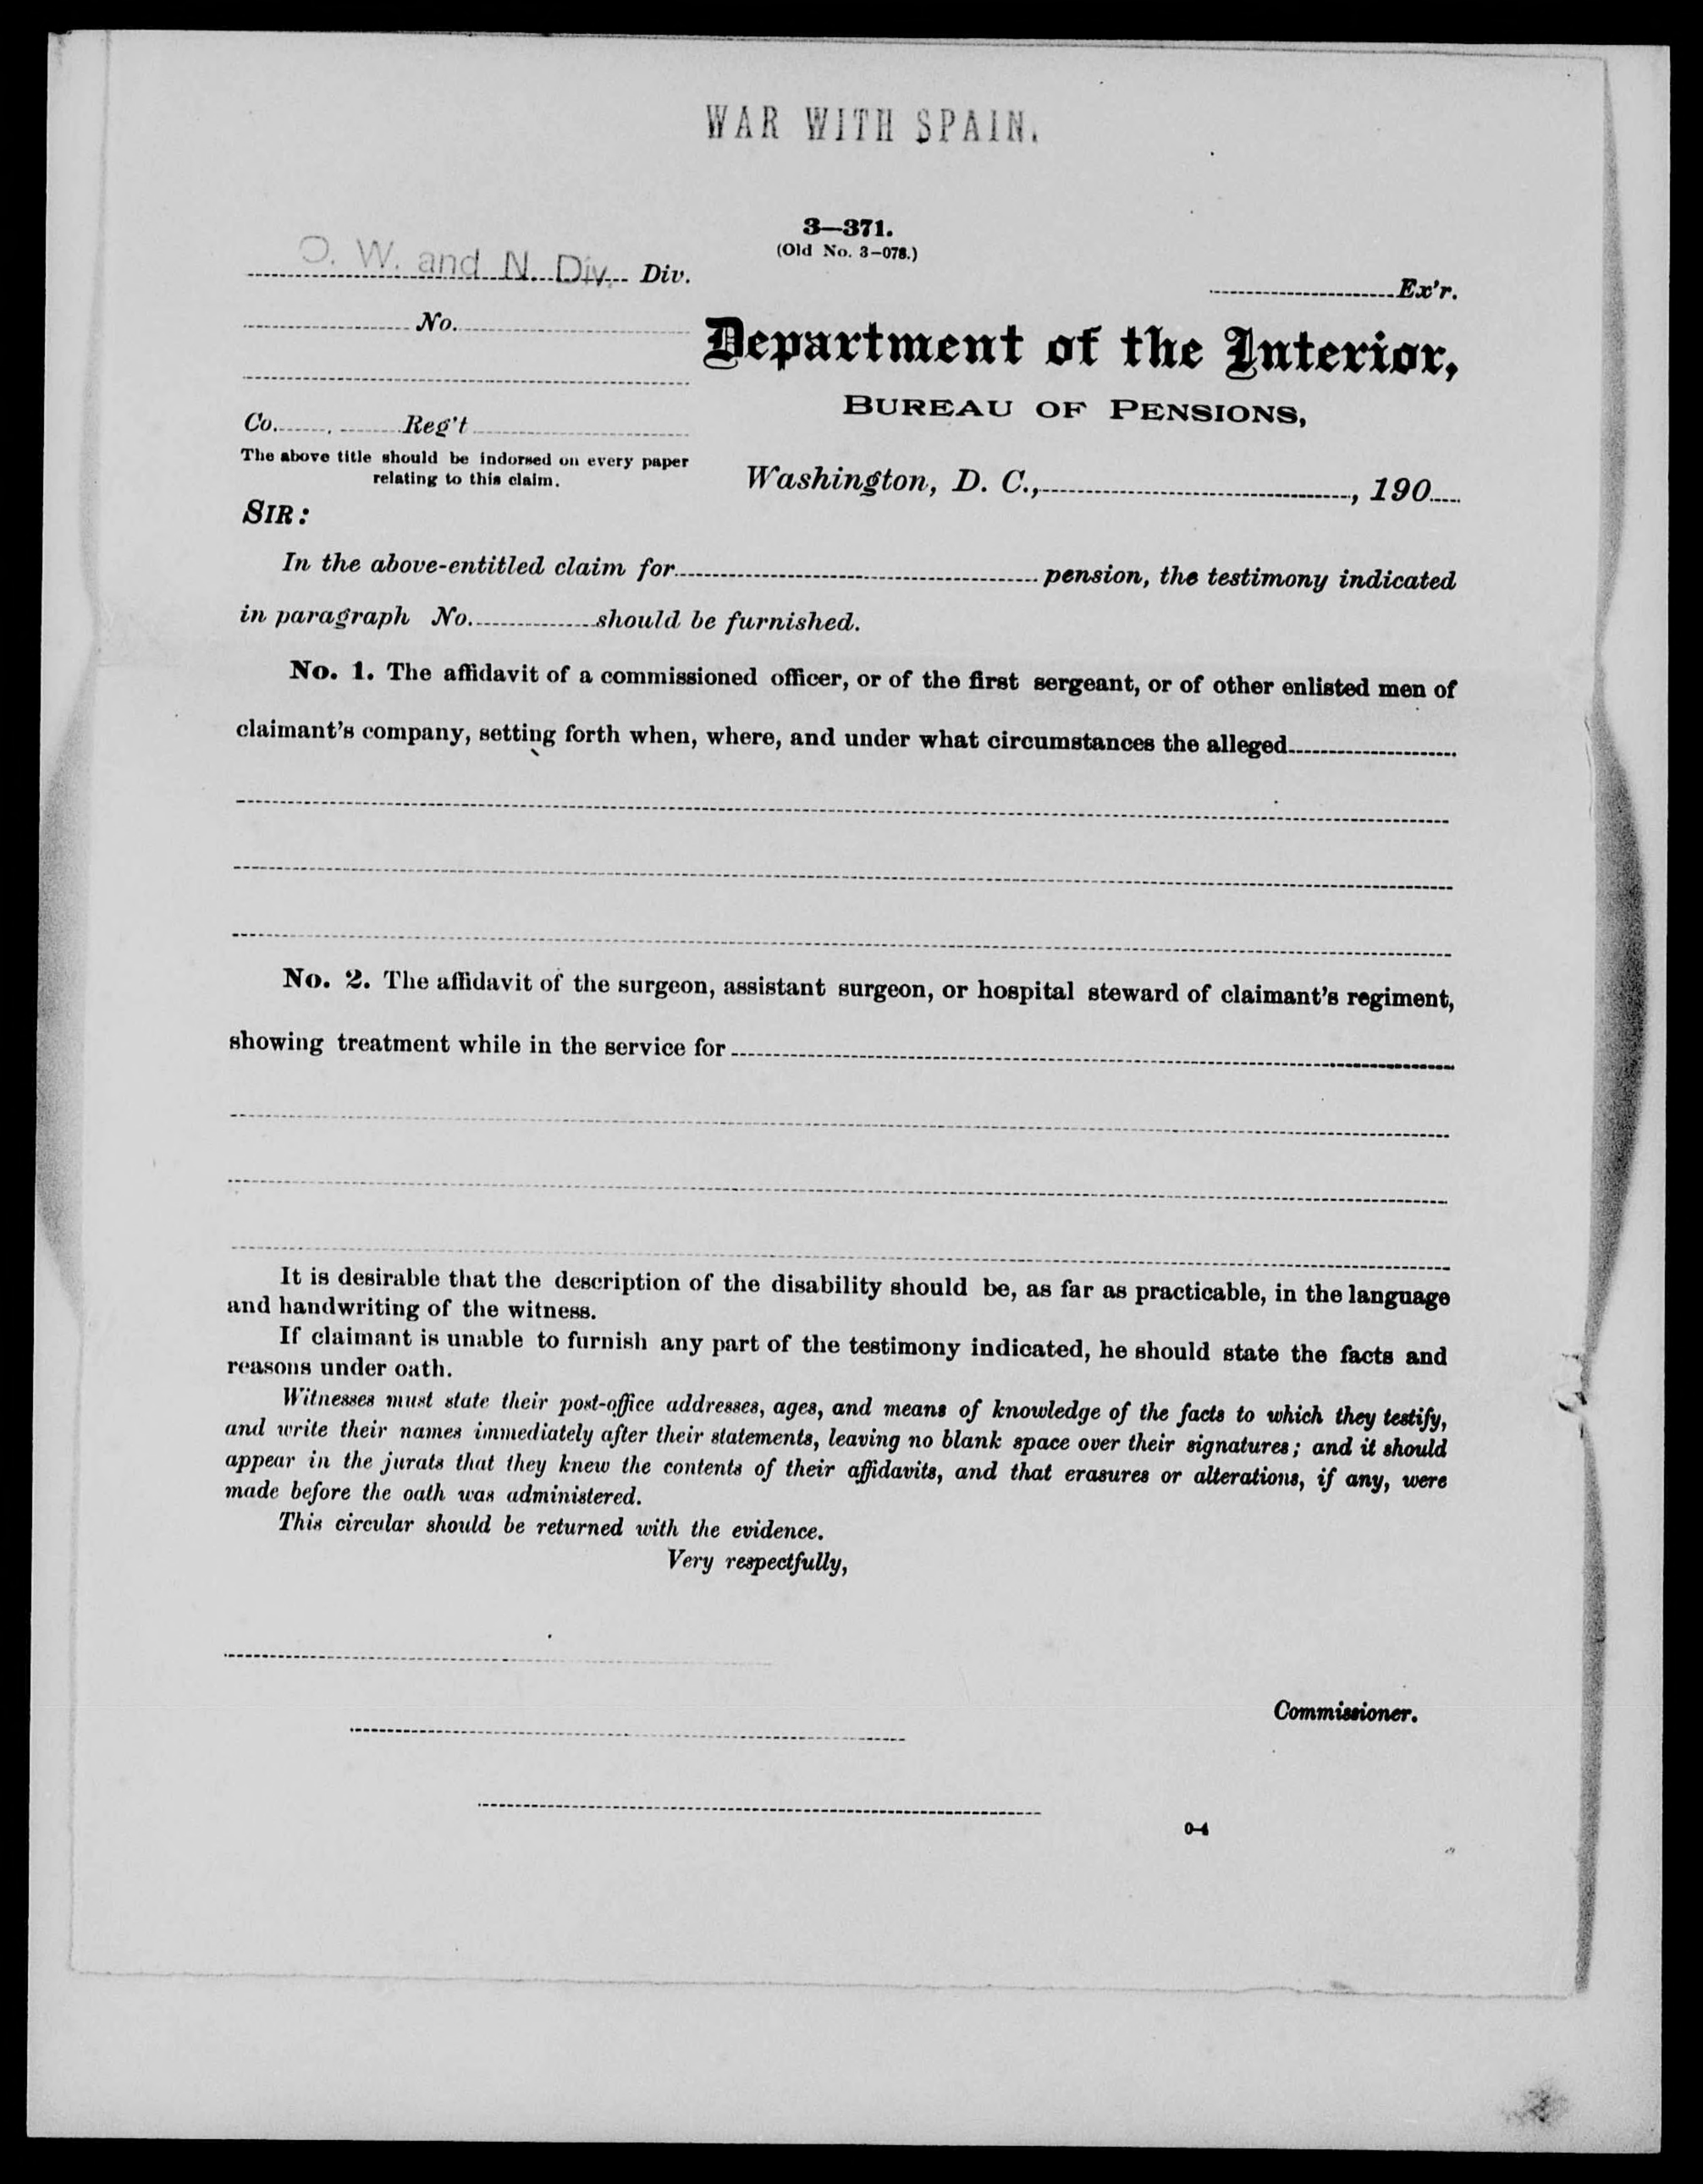WAR WITH SPAIN.

3-371.
(Old No. 3-078.)

O.W. and N. DIV DIV.
..................................Ex'r.
........No. ........................
Co. ..........Reg't..............
The above title should be 
indorsed on every paper
relating to this claim.

Department of the Interior,
BUREAU OF PENSIONS,
Washing, D. C.,........................., 190.....

SIR:

In the above-entitled claim for ...............................pension, the testimony indicated in paragraph No. .........................should be furnished.

No. 1. The affidavit of a commissioned officer, or the first sergeant, or of other enlisted men of claimant's company, setting forth when, where, and under what circumstances the alleged.......................................................................

No. 2. The affidavit of the surgeon, assistant surgeon, or hospital steward of claimant's regiment showing treatment while in the service for.................................................................

It is desirable that the description of the disability should be, as far as practicable, in the language and handwriting of the witness.
If claimant is unable to furnish any part of the testimony indicated he should state the facts and reasons under oath.
Witnesses must state their post-office addresses, ages, and means of knowledge of the facts to which they testify, and write their names immediately after their statements, leaving no blank space over their signatures; and it should appear in the jurats that they knew the content of their affidavits, and that erasures or alterations, if any, were made before the oath was administered.
This circular should be returned with the evidence.
Very respectfully,


Commissioner.

0-4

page: 25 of 33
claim: widow's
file: W. 52, for Randolph Moore, North Carolina